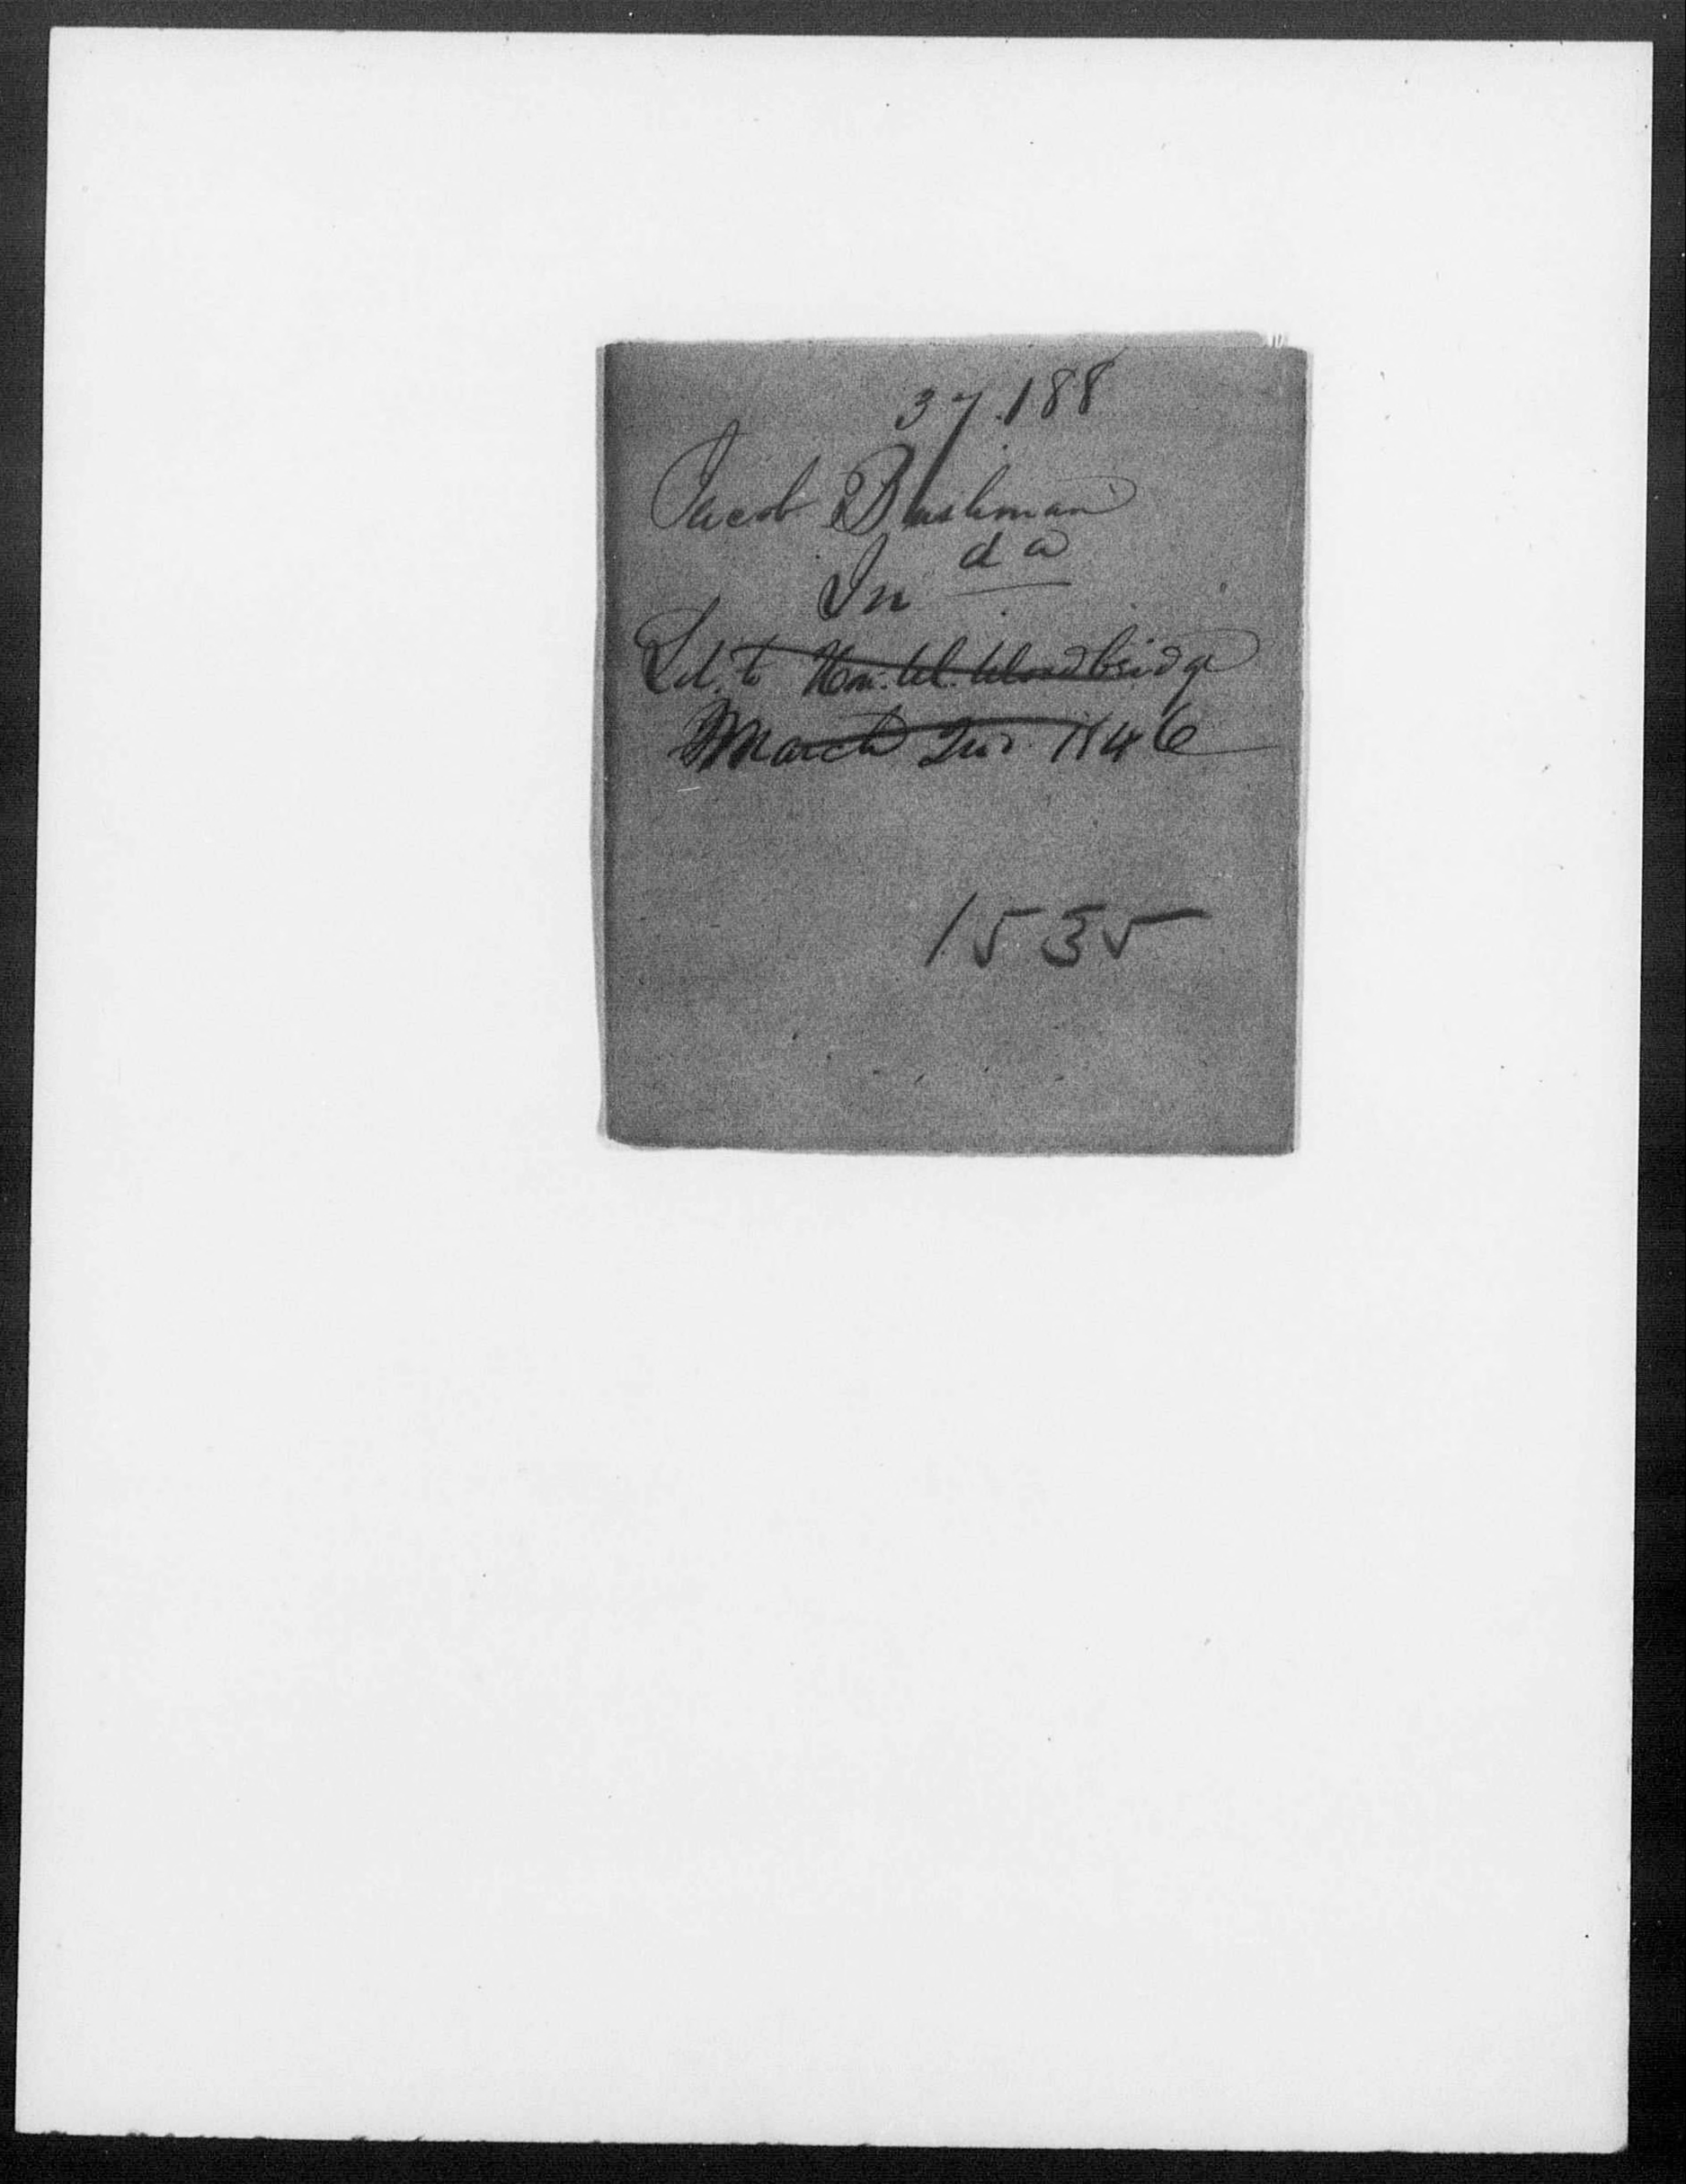[handwritten, small square piece of paper]

37188

Jacob Bushman
In [illegible abbreviation - maybe d w]

[struck through] Let to Hon. W. Woodbridge
[struck through] March 2nd, 1846

1535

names: W Woodbridge, Jacob Bushman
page: 3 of 8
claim: rejected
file: R. 1535, Jacob Bushman, Md